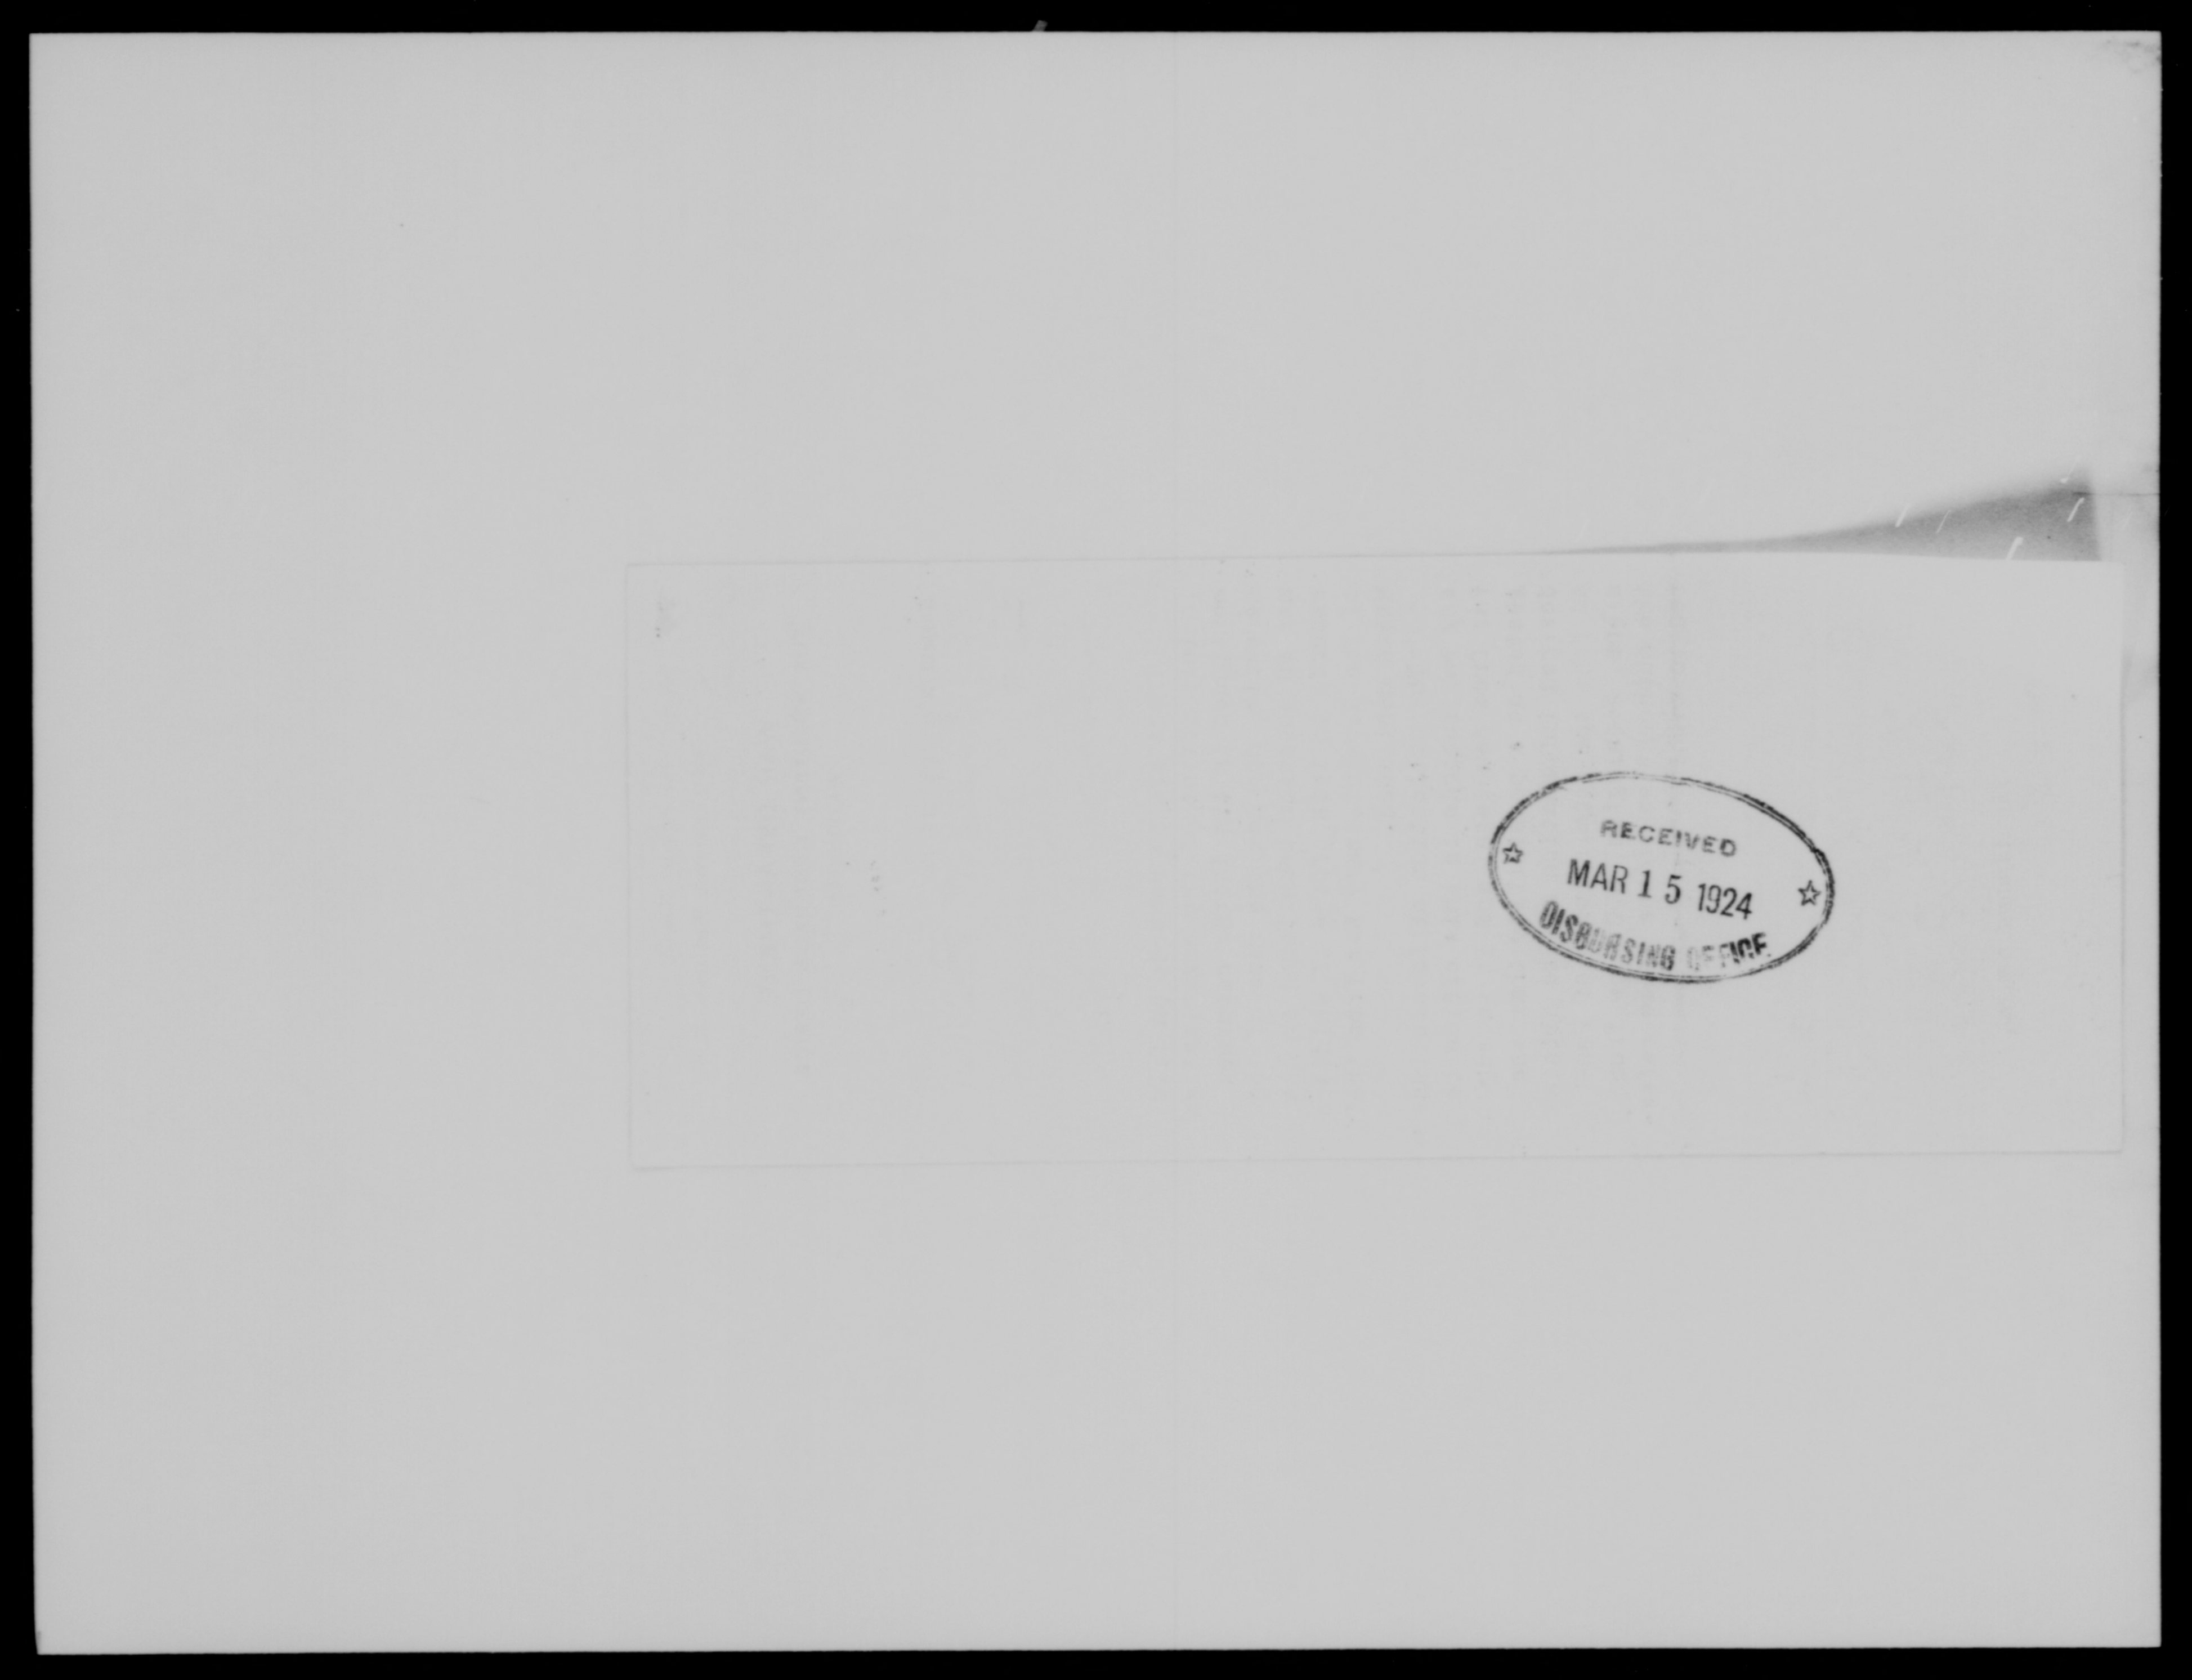[oval stamp]

RECEIVED
MAR 15 1924
DISBURSING OFFICE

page: 58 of 123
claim: rejected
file: R. 11,949, Matthias Young, Md.